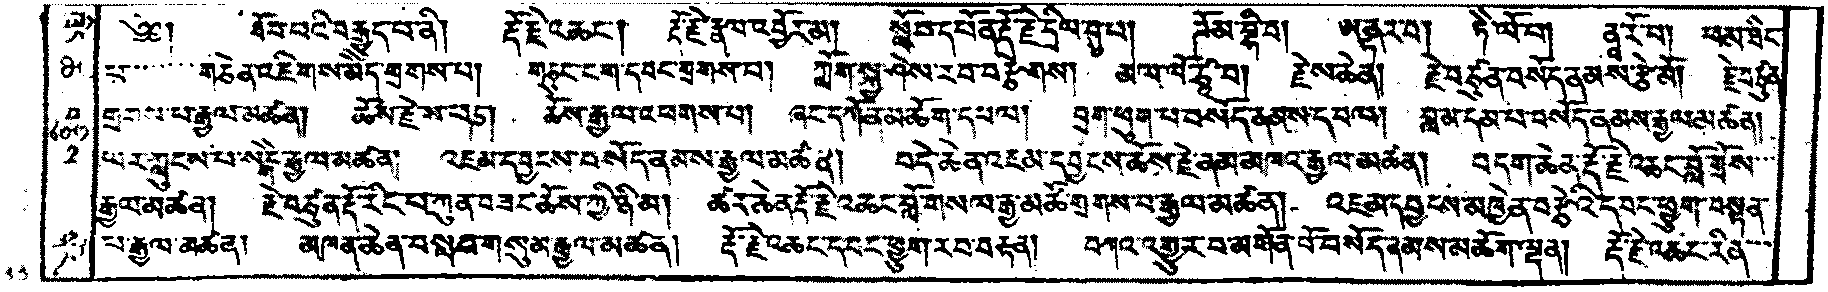༄༅། །ཐོབ་པའི་བརྒྱུད་པ་ནི། རྡོ་རྗེ་འཆང་། རྡོ་རྗེ་རྣལ་འབྱོར་མ། སློབ་དཔོན་རྡོ་རྗེ་དྲིལ་བུ་པ། ཌོམ་བྷི་བ། ཨནྟར་བ། ཏཻ་ལོ་པ། ནཱ་རོ་པ། ཕམ་ཐིང་
པ་གཅེན་འཇིགས་མེད་གྲགས་པ། གཅུང་ངག་དབང་གྲགས་པ། ཀློག་སྐྱ་ཤེས་རབ་བརྩེགས། མལ་ལོ་ཙཱ་བ། རྗེས་ཆེན། རྗེ་བཙུན་བསོད་ནམས་རྩེ་མོ། རྗེ་བཙུན་
གྲགས་པ་རྒྱལ་མཚན། ཆོས་རྗེ་པཎ། ཆོས་རྒྱལ་འཕགས་པ། ཞང་དཀོན་མཆོག་དཔལ། བྲག་ཕུག་པ་བསོད་ནམས་དཔལ། བླ་མ་དམ་པ་བསོད་ནམས་རྒྱལ་མཚན།
ཡར་ཀླུངས་པ་སེངྒེ་རྒྱལ་མཚན། འཇམ་དབྱངས་བསོད་ནམས་རྒྱལ་མཚན། བདེ་ཆེན་འཇམ་དབྱངས་ཆོས་རྗེ་ནམ་མཁའ་རྒྱལ་མཚན། བདག་ཆེན་རྡོ་རྗེ་འཆང་བློ་གྲོས་
རྒྱལ་མཚན། རྗེ་བཙུན་རྡོ་རིང་པ་ཀུན་བཟང་ཆོས་ཀྱི་ཉི་མ། ཚར་ཆེན་རྡོ་རྗེ་འཆང་བློ་གསལ་རྒྱ་མཚོ་གྲགས་པ་རྒྱལ་མཚན། འཇམ་དབྱངས་མཁྱེན་བརྩེའི་དབང་ཕྱུག་བསྟན་
པ་རྒྱལ་མཚན། མཁན་ཆེན་བསླབ་གསུམ་རྒྱལ་མཚན། རྡོ་རྗེ་འཆང་དབང་ཕྱུག་རབ་བརྟན། བཀའ་འགྱུར་བ་མགོན་པོ་བསོད་ནམས་མཆོག་ལྡན། རྡོ་རྗེ་འཆང་རིན་